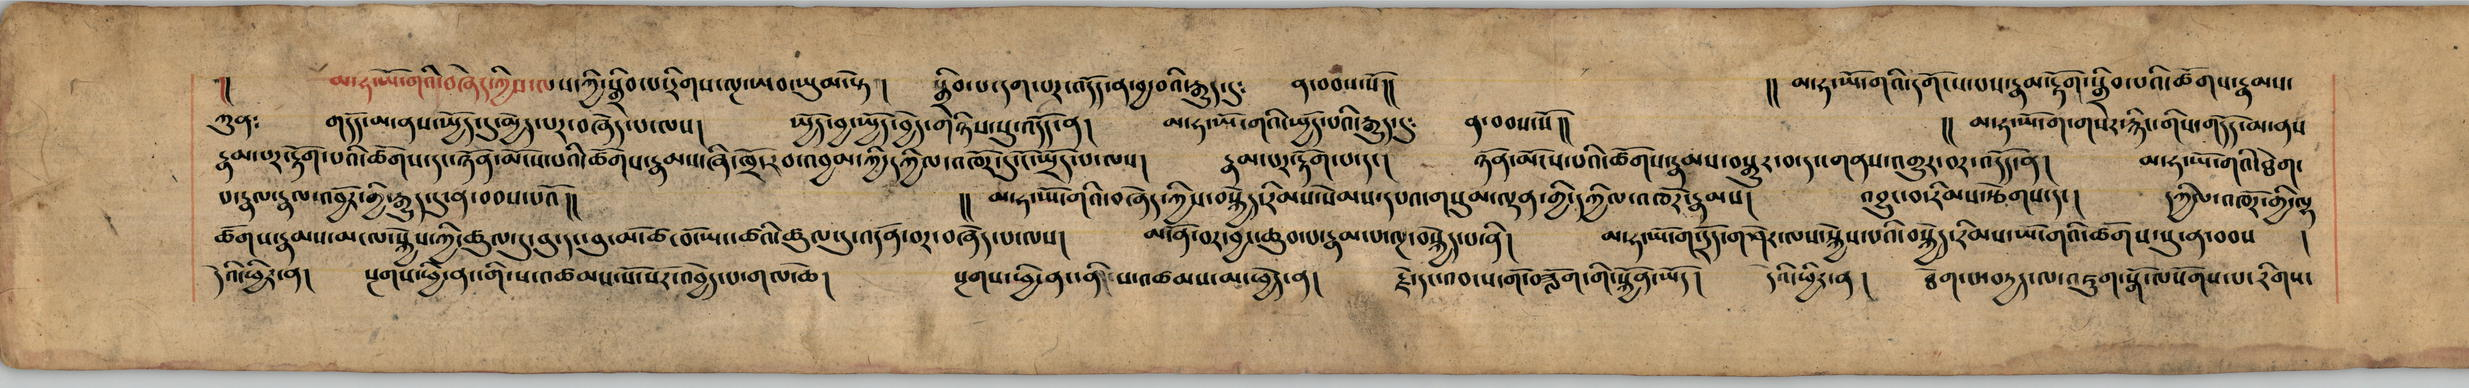མ་ཧ་ཡོ་གའི་བཞེད་ཀྱིས་ལས་ཀྱི་སྒྲིབ་པ་རིགས་ལྔ་ཡབ་ཡུམ་སྟེ། སྒྲིབ་པ་དག་པར་འདོད་ན་བྱ་བའི་རྒྱུད་དུ༴ ན་བབས་སོ།། །། མ་ཧ་ཡོ་གའི་དགོངས་པས་རྣམ་རྟོག་སྒྲིབ་པའི་ཚོགས་རྣམས་
ཀུན༴ གདོད་མ་ནས་སྤྱོད་དུ་མྱེད་པར་བཞེད་པ་ལས། སྤྱོད་བྱ་སྤྱོད་བྱེད་གཉིས་སུ་འདོད་ན། མ་ཧ་ཡོ་གའི་སྤྱོད་པའི་རྒྱུད་དུ༴ ན་བབས་སོ།། །། མ་ཧ་ཡོ་ག་གསར་རྙིང་གིས་གདོད་མ་ནས
རྣམ་པར་རྟོག་པའི་ཚོགས་དང་ཉོན་མོངས་པའི་ཚོགས་རྣམས་ཞི་ཁྲོ་རབ་འབྱམ་ཀྱི་དཀྱིལ་འཁོར་དུ་ངོ་སྤྲོད་པ་ལས། རྣམ་པར་རྟོག་པ་དང། ཉོན་མོངས་པའི་ཚོགས་རྣམས་བསྒྱུར་བ་དང་གནས་འགྱུར་བར་འདོད་ན། མ་ཧ་ཡོ་གའི་ཐེག་
པ་རྣལ་རྣལ་འབྱོར་གྱི་རྒྱུད་དུ་ན་བབས་པའོ།། །།མ་ཧ་ཡོ་གའི་བཞེད་ཀྱིས་བསྐྱེད་རིམས་སེམས་དཔའ་གསུམ་ལྡན་གྱི་དཀྱིལ་འཁོར་རྣམས། འབྱུང་བ་རིམས་རྩེགས་དང། དཀྱིལ་འཁོར་གྱི་ལྷ
ཚོགས་རྣམས་མངལ་སྐྱེས་ཀྱི་ཚུལ་དུ་བུ་དང་བུ་མོ་ཚ་བོ་ཡང་ཚའི་ཚུལ་དུ་འདོན་བར་བཞེད་པ་ལས། མངོན་བར་བྱང་ཆུབ་པ་རྣམ་པ་ལྔ་བསྐྱེད་པ་ནི། མ་ཧ་ཡོ་ག་དྲོད་གཤེར་ལས་སྐྱེས་པའི་བསྐྱེད་རིམས་ཡོ་གའི་ཚོགས་སུ་ན་བབས
དེའི་ཕྱིར་ན། སྔགས་ཕྱི་ནང་གི་ས་འཚམས་སོ་སོར་འབྱེད་པ་གལ་ཆེ། སྔགས་ཕྱི་ནང་ནི་ས་འཚམས་མ་ཕྱེད་ན། རྗེ་དང་འབངས་གོ་བཟློག་གི་སྐྱོན་ཡོད། དེའི་ཕྱིར་ན། ཐེག་པ་བརྱད་ལ་འཇུག་སྒོ་ལསོགས་པ་རིགས་